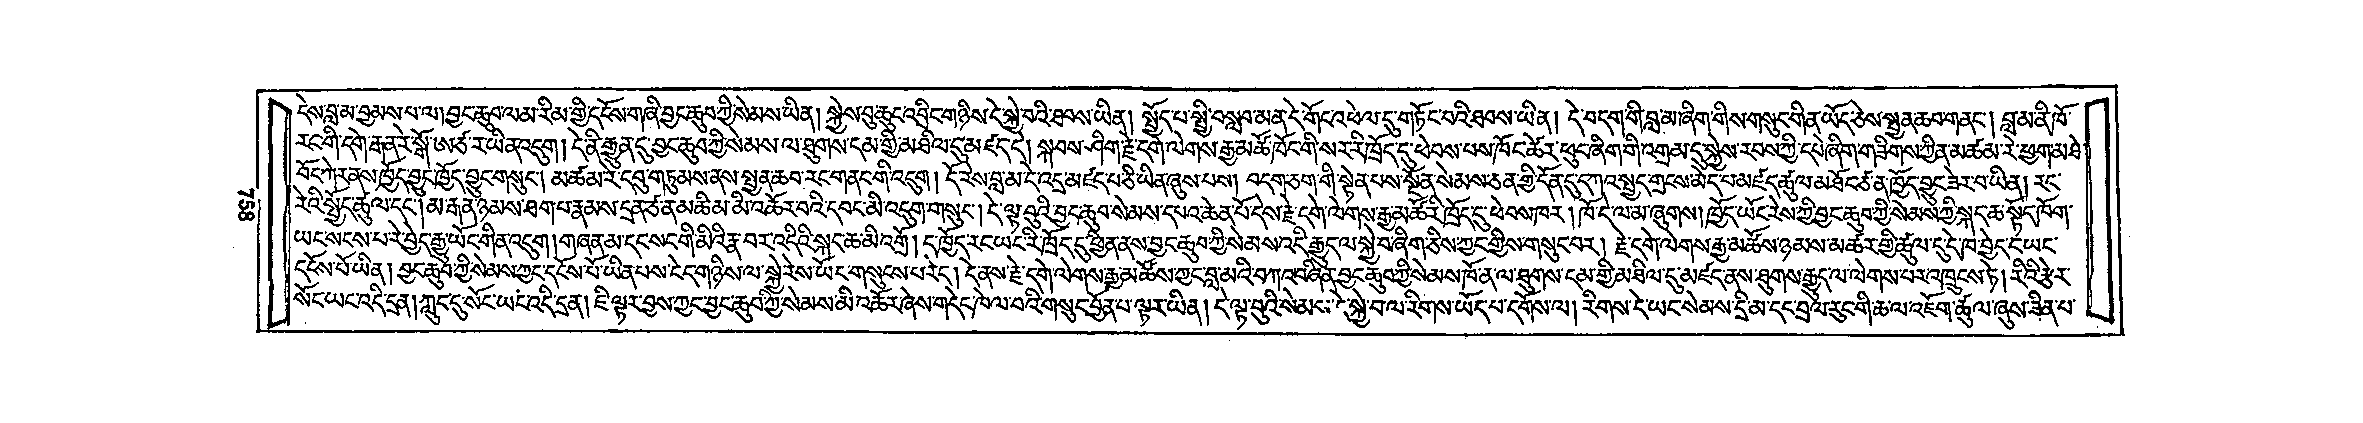དེས་བླ་མ་བྱམས་པ་ལ། བྱང་ཆུབ་ལམ་རིམ་གྱི་དངོས་གཞི་བྱང་ཆུབ་ཀྱི་སེམས་ཡིན། སྐྱེས་བུ་ཆུང་འབྲིང་གཉིས་དེ་སྐྱེ་བའི་ཐབས་ཡིན། སྤྱོད་པ་སྤྱི་བསླབ་མན་དེ་གོང་འཕེལ་དུ་གཏོང་བའི་ཐབས་ཡིན། དེ་བདག་གི་བླ་མ་ཞིག་གིས་གསུང་གིན་ཡོད་ཅེས་སྤྱན་ཆབ་གནང་། བླ་མ་ནི་ཁོ་
རང་གི་དགེ་རྒན་རེ་སྒོ་ཨ་ཙ་ར་ཡིན་འདུག །དེ་ནི་རྒྱུན་དུ་བྱང་ཆུབ་ཀྱི་སེམས་ལ་ཐུགས་དམ་གྱི་མཐིལ་དུ་མཛད་དེ། སྐབས་ཤིག་རྗེ་དགེ་ལེགས་རྒྱ་མཚོ་ཁོང་གི་སར་རི་ཁྲོད་དུ་ཕེབས་པས་ཁོང་ཚེར་ཕུང་ཞིག་གི་འགྲམ་དུ་སྐྱེས་རབས་ཀྱི་དཔེ་ཞིག་གཟིགས་ཀྱིན་མཚམ་རེ་ཕྱག་མཐེ་
བོང་ཀེར་ནས་ཁྱོད་བྱུང་ཁྱོད་བྱུང་གསུང་། མཚམ་རེ་དབུ་གཏུམས་ནས་སྤྱན་ཆབ་རང་གནང་གི་འདུག །དོ་རེས་བླ་མ་དེ་འདྲ་མཛད་པ་ཅི་ཡིན་ཞུས་པས། བདག་ཅག་གི་སྟེན་པས་སྔོན་སེམས་ཅན་གྱི་དོན་དུ་དཀའ་སྤྱད་གྲངས་མེད་པ་མཛད་ཚུལ་མཐོང་ཙ་ན་ཁྱོད་བྱུང་ཟེར་བ་ཡིན། རང་
རེའི་སྤྱོད་ཚུལ་དང་། མ་རྒན་ཉམས་ཐག་པ་རྣམས་དྲན་ཙ་ན་མཆིམ་མི་འཆོར་བའི་དབང་མི་འདུག་གསུང་། དེ་ལྟ་བུའི་བྱང་ཆུབ་སེམས་དཔའ་ཆེན་པོ་དེས་རྗེ་དགེ་ལེགས་རྒྱ་མཚོ་རི་ཁྲོད་དུ་ཕེབས་ཁར། ཁོ་དེ་ལ་མ་ཞུགས། ཁྱོད་ཡོང་རེས་ཀྱི་བྱང་ཆུབ་ཀྱི་སེམས་ཀྱི་སྐད་ཆ་སྟོད་ཁོག་
ཡང་སངས་པ་རེ་བྱེད་རྒྱུ་ཡོང་གིན་འདུག །གཞན་མ་དང་སང་གི་མིའི་རྣ་བར་འདིའི་སྐད་ཆ་མི་འགྲོ་།ད་ཁྱོད་རང་ཡང་རི་ཁྲོད་དུ་ཕྱིན་ནས་བྱང་ཆུབ་ཀྱི་སེམས་འདི་རྒྱུད་ལ་སྐྱེ་བ་ཞིག་ཅིས་ཀྱང་གྱིས་གསུང་བར། རྗེ་དགེ་ལེགས་རྒྱ་མཚོས་ཉམས་མཚར་གྱི་ཚུལ་དུ་དེ་ཁ་བྱེད་ང་ཡང་
དངོས་པོ་ཡིན། བྱང་ཆུབ་ཀྱི་སེམས་ཀྱང་དངོས་པོ་ཡིན་པས་ངེད་གཉིས་ལ་སྐྱེ་རེས་ཡོང་གསུངས་པ་རེད། དེ་ནས་རྗེ་དགེ་ལེགས་རྒྱ་མཚོས་ཀྱང་བླ་མའི་བཀའ་བཞིན་བྱང་ཆུབ་ཀྱི་སེམས་ཁོ་ན་ལ་ཐུགས་དམ་གྱི་མཐིལ་དུ་མཛད་ནས་ཐུགས་རྒྱུད་ལ་ལེགས་པར་འཁྲུངས་ཏེ། རིའི་རྩེར་
སོང་ཡང་འདི་དྲན། ཀླུང་དུ་སོང་ཡང་འདི་དྲན། ཇི་ལྟར་བྱས་ཀྱང་བྱང་ཆུབ་ཀྱི་སེམས་མི་འཆོར་ཞེས་གདེང་ཁེལ་བའི་གསུང་བྱོན་པ་ལྟར་ཡིན། དེ་ལྟ་བུའི་སེམས་དེ་སྐྱེ་བ་ལ་རིགས་ཡོད་པ་དགོས་ལ། རིགས་དེ་ཡང་སེམས་དྲི་མ་དང་བྲལ་རུང་གི་ཆ་ལ་འཇོག་ཚུལ་ཞུས་ཟིན་པ་